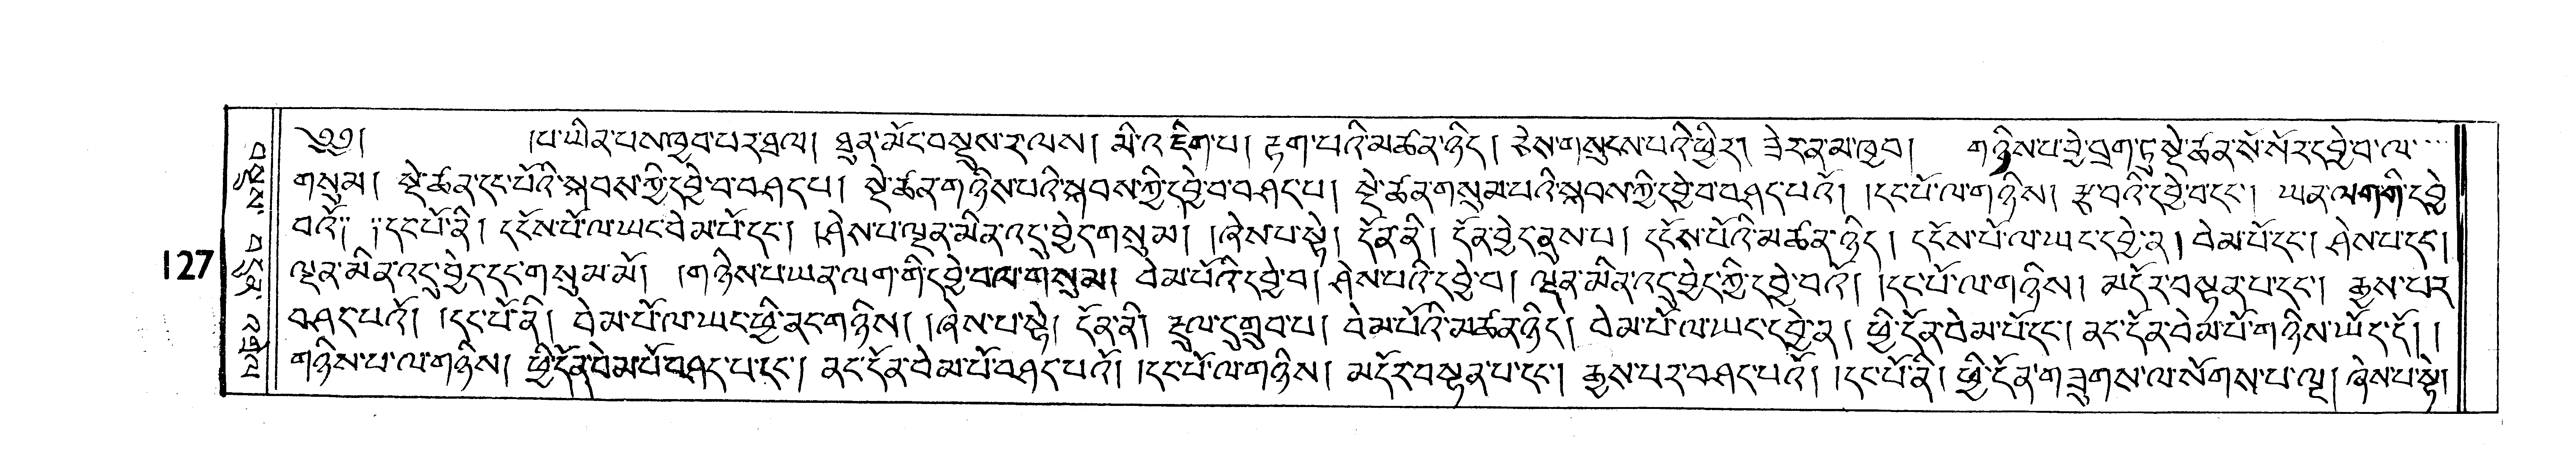༄༅། །པ་ཡིན་པས་ཁྱབ་པར་ཐལ། ཐུན་མོང་བསྡུས་ར་ལས། མི་འཇིག་པ། རྟག་པའི་མཚན་ཉིད། ཅེས་གསུངས་པའི་ཕྱིར། ཟེར་ནམ་ཁྱབ། གཉིས་པ་བྱེ་བྲག་ཏུ་སྡེ་ཚན་སོ་སོར་དབྱེ་བ་ལ་
གསུམ། སྡེ་ཚན་དང་པོའི་སྐབས་ཀྱི་དབྱེ་བ་བཤད་པ། སྡེ་ཚན་གཉིས་པའི་སྐབས་ཀྱི་དབྱེ་བ་བཤད་པ། སྡེ་ཚན་གསུམ་པའི་སྐབས་ཀྱི་དབྱེ་བ་བཤད་པའོ། །དང་པོ་ལ་གཉིས། རྩ་བའི་དབྱེ་བ་དང་། ཡན་ལག་གི་དབྱེ་
བའོ༑ ༑དང་པོ་ནི། དངོས་པོ་ལ་ཡང་བེམ་པོ་དང་། །ཤེས་པ་ལྡན་མིན་འདུ་བྱེད་གསུམ། །ཞེས་པ་སྟེ། དོན་ནི། དོན་བྱེད་ནུས་པ། དངོས་པོའི་མཚན་ཉིད། དངོས་པོ་ལ་ཡང་དབྱེ་ན། བེམ་པོ་དང་། ཤེས་པ་དང་།
ལྡན་མིན་འདུ་བྱེད་དང་གསུམ་མོ། །གཉིས་པ་ཡན་ལག་གི་དབྱེ་བ་ལ་གསུམ། བེམ་པོའི་དབྱེ་བ། །ཤེས་པའི་དབྱེ་བ། ལྡན་མིན་འདུ་བྱེད་ཀྱི་དབྱེ་བའོ། །དང་པོ་ལ་གཉིས། མདོར་བསྟན་པ་དང་། རྒྱས་པར་
བཤད་པའོ། །དང་པོ་ནི། བེམ་པོ་ལ་ཡང་ཕྱི་ནང་གཉིས། །ཞེས་པ་སྟེ། དོན་ནི། །རྡུལ་དུ་གྲུབ་པ། བེམ་པོའི་མཚན་ཉིད། བེམ་པོ་ལ་ཡང་དབྱེ་ན། ཕྱི་དོན་བེམ་པོ་དང་། ནང་དོན་བེམ་པོ་གཉིས་ཡོད་དོ།།
གཉིས་པ་ལ་གཉིས། ཕྱི་དོན་བེམ་པོ་བཤད་པ་དང་། ནང་དོན་བེམ་པོ་བཤད་པའོ། །དང་པོ་ལ་གཉིས། མདོར་བསྟན་པ་དང་། རྒྱས་པར་བཤད་པའོ། །དང་པོ་ནི། ཕྱི་དོན་གཟུགས་ལ་སོགས་པ་ལྔ། ཞེས་པ་སྟེ།